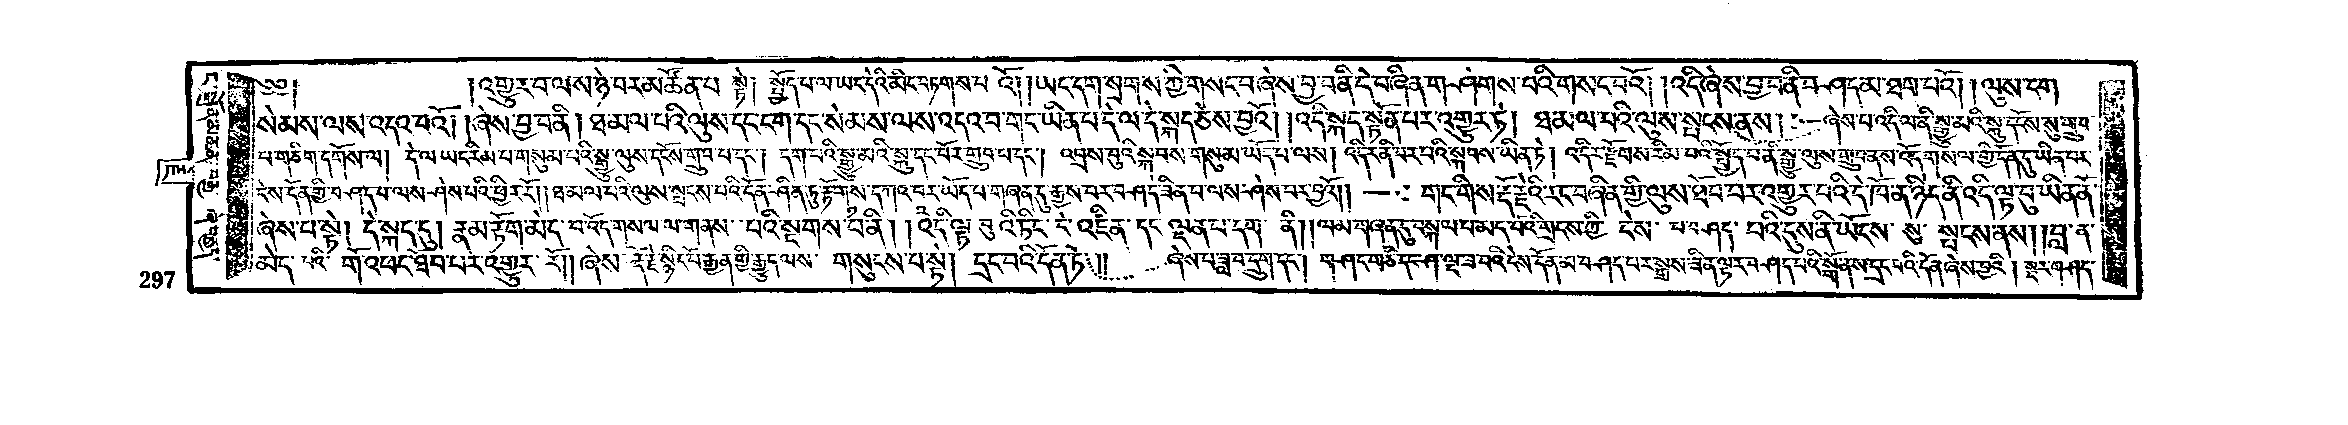༄༅། །འགྱུར་བ་ལས་ཉེ་བར་མཚོན་པ་སྟེ། སྤྱོད་པ་ལ་ཡང་དེའི་མིང་བཏགས་པའོ། །ཡང་དག་སྔགས་ཀྱི་གསང་བ་ཞེས་བྱ་བ་ནི་དེ་བཞིན་གཤེགས་པའི་གསང་བའོ། །འདི་ཞེས་བྱ་བ་ནི་བཤད་མ་ཐག་པའོ། །ལུས་ངག་
སེམས་ལས་འདའ་པའོ། །ཞེས་བྱ་བ་ནི། ཐ་མལ་པའི་ལུས་དང་ངག་དང་སེམས་ལས་འདའ་བ་གང་ཡིན་པ་དེ་ལ་དེ་སྐད་ཅེས་བྱའོ། །འདི་སྐད་སྟོན་པར་འགྱུར་ཏེ། ཐ་མལ་པའི་ལུས་སྤངས་ནས། ཞེས་པ་འདི་ལ་ནི་སྒྱུ་མའི་སྐུ་དངོས་སུ་གྲུབ
པ་གཅིག་དགོས་ལ། དེ་ལ་ཡང་རིམ་པ་གསུམ་པའི་སྒྱུ་ལུས་དངོས་གྲུབ་པ་དང་། དག་པའི་སྒྱུ་མའི་སྐུ་དང་པོར་གྲུབ་པ་དང་། འབྲས་བུའི་སྐབས་གསུམ་ཡོད་པ་ལས། འདིར་ནི་བར་པའི་སྐབས་ཡིན་ཏེ། འདིར་རྫོགས་རིམ་པའི་སྤྱོད་པ་ནི་སྒྱུ་ལུས་གྲུབ་ནས་འོད་གསལ་གྱི་དོན་དུ་ཡིན་པར་
ངེས་དོན་གྱི་བཤད་པ་ལས་ཤེས་པའི་ཕྱིར་རོ། །ཐ་མལ་པའི་ལུས་སྤངས་པའི་དོན་ཤིན་ཏུ་རྟོགས་དཀའ་བར་ཡོད་པ་གཞན་དུ་རྒྱས་པར་བཤད་ཟིན་པ་ལས་ཤེས་པར་བྱའོ།། གང་གིས་རྡོ་རྗེའི་རང་བཞིན་གྱི་ལུས་ཐོབ་པར་འགྱུར་བའི་དེ་ཁོ་ན་ཉིད་ནི་འདི་ལྟ་བུ་ཡིན་ནོ་
ཞེས་པ་སྟེ། དེ་སྐད་དུ། རྣམ་རྟོག་མེད་པ་འོད་གསལ་ལ་གནས་པའི་སྔགས་པ་ནི། །འདི་ལྟ་བུའི་ཏིང་ངེ་འཛིན་དང་ལྡན་པ་དག་ནི། །ལམ་གཞན་དུ་བསྐལ་པ་མང་པོའི་གྲངས་ཀྱི་ངེས་པ་བཤད་པའི་དུས་ནི་ཡོངས་སུ་སྤངས་ནས། །བླ་ན་
མེད་པའི་གོ་འཕང་ཐོབ་པར་འགྱུར་རོ། །ཞེས་རྡོ་རྗེ་སྙིང་པོ་རྒྱན་གྱི་རྒྱུད་ལས་གསུངས་པ་སྟེ། དྲང་བའི་དོན་ཏོ།། ཞེས་པ་ཟླ་བ་དྲུག་དང་། གཤང་གཅི་དང་ཤ་ལྔ་ཟ་བའི་ངེས་དོན་མ་བཤད་པར་སྒྲས་ཟིན་ལྟར་བཤད་པའི་སྒོ་ནས་དྲང་བའི་དོན་ཞེས་བྱའི། སྔར་བཤད་